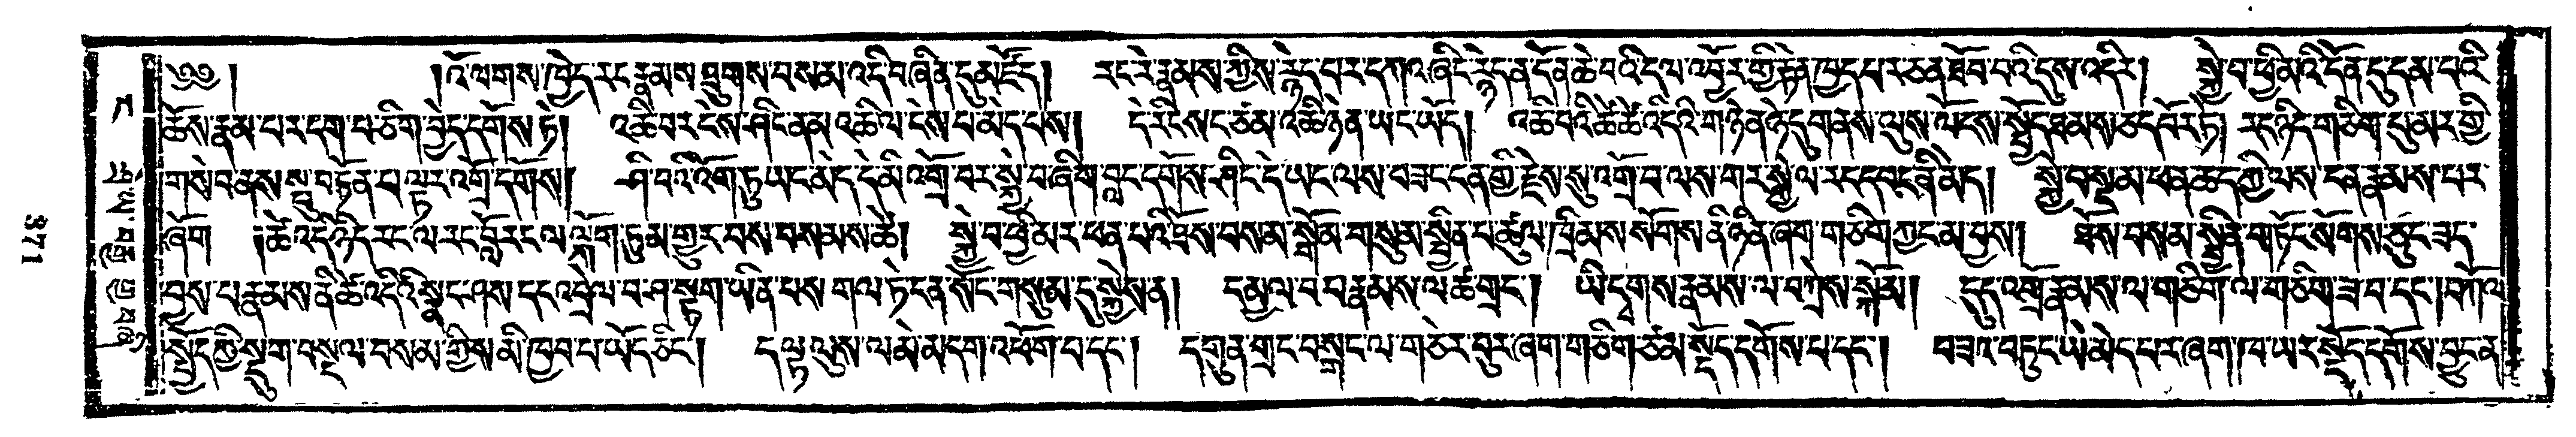༄༅། །འོ་ལགས་ཁྱེད་རང་རྣམས་ཐུགས་བསམ་འདི་བཞིན་དུ་མཛོད། །རང་རེ་རྣམས་ཀྱིས་རྙེད་པར་དཀའ་ཞིང་རྙེད་ན་དོན་ཆེ་པའི་དལ་འབྱོར་གྱི་རྟེན་ཁྱད་པར་ཅན་ཐོབ་པའི་དུས་འདིར། །སྐྱེ་པ་ཕྱི་མའི་དོན་དུ་དམ་པའི་
ཆོས་རྣམ་པར་དག་པ་ཅིག་བྱེད་དགོས་ཏེ། འཆི་བར་ངེས་ཤིང་ནམ་འཆིལ་ངེས་པ་མེད་པས། །དེ་རིང་སང་ཙམ་འཆི་ཉེན་ཡང་ཡོད། །འཆི་པའི་ཚེ་ཚེ་འདིའི་གཉེན་ཉེ་དུ་གནས་ལུས་ལོངས་སྤྱོད་ཐམས་ཅད་བོར་ཏེ། །རང་ཉིད་གཅིག་པུ་མར་གྱི་
གསེབ་ནས་སྤུ་བཏོན་པ་ལྟར་འགྲོ་དགོས། །ཤི་བའི་འོག་ཏུ་ཡང་མེད་དེ་མི་འགྲོ་བར་སྐྱེ་བ་ཞིག་བླང་དགོས་ཤིང་དེ་ཡང་ལས་བཟང་དང་གྱི་རྗེས་སུ་འགྲོ་བ་ལས་གར་སྐྱེལ་རང་དབང་ནི་མེད། །སྐྱེ་བ་སྔ་མ་ཕན་ཆད་ཀྱི་ལས་གན་རྣམས་པར་
ཞོག །ཚེ་འདི་ཉིད་རང་ལ་རང་བློ་རང་ལ་ལྐོག་ཏུ་མ་གྱུར་པས་བསམས་ཚེ། །སྐྱེ་པ་ཕྱི་མར་ཕན་པའི་ཐོས་བསམ་སྒོམ་གསུམ་སྦྱིན་པ་ཚུལ་ཁྲིམས་སོགས་ནི་ཉིན་ཞག་གཅིག་ཀྱང་མ་བྱས། །ཐོས་བསམ་སྦྱིན་གཏོང་སོགས་ཅུང་ཟད་
བྱས་པ་རྣམས་ནི་ཚེ་འདིའི་སྣང་ཤས་དང་འབྲེལ་བ་ཤ་སྟགས་ཡིན་པས་གལ་ཏེ་ངན་སོང་གསུམ་དུ་སྐྱེས་ན། དམྱལ་བ་བ་རྣམས་ལ་ཚ་གྲང་། །ཡི་དྭགས་རྣམས་ལ་བཀྲེས་སྒོམ། །དུད་འགྲོ་རྣམས་ལ་གཅིག་ལ་གཅིག་ཟ་བ་དང་བཀོལ་
སྤྱོད་ཀྱི་སྡུག་བསྔལ་བསམ་གྱིས་མི་ཁྱབ་པ་ཡོད་ཅིང་། །ད་ལྟ་ལུས་ལ་མེ་མདག་འཕོག་བ་དང་། དགུན་གྲང་བསྒང་ལ་གཅེར་བུར་ཞག་གཅིག་ཙམ་སྡོད་དགོས་པ་དང་། བཟའ་བཏུང་ཡེ་མེད་པར་ཞག་ཁ་ཡར་སྡོད་དགོས་བྱུང་ན་